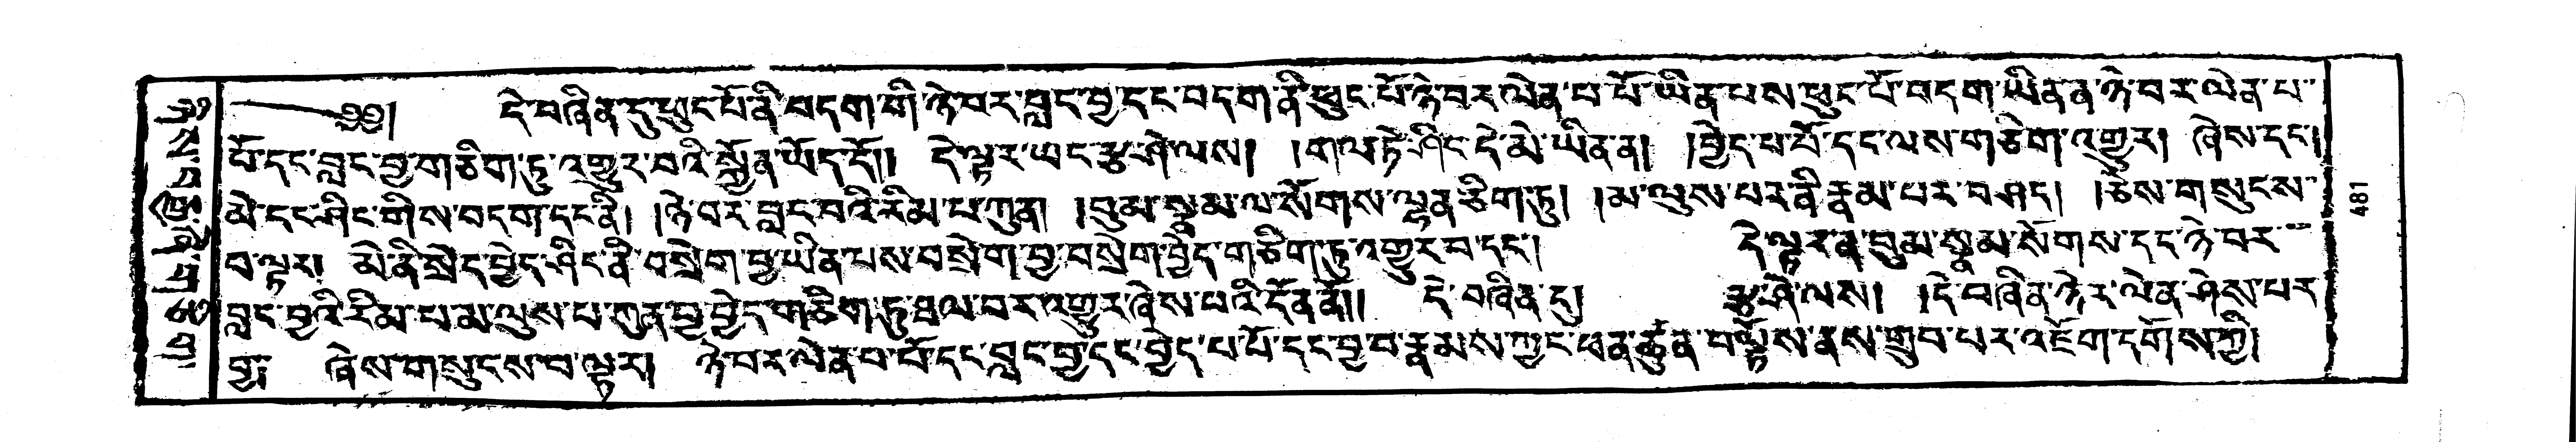༄༅། །དེ་བཞིན་དུ་ཕུང་པོ་ནི་བདག་གི་ཉེ་བར་བླང་བྱ་དང་བདག་ནི་ཕུང་པོ་ཉེ་བར་ལེན་པ་པོ་ཡིན་པས་ཕུང་པོ་བདག་ཡིན་ན་ཉེ་བར་ལེན་པ་
པོ་དང་བླང་བྱ་གཅིག་ཏུ་འགྱུར་བའི་སྐྱོན་ཡོད་དོ། །དེ་ལྟར་ཡང་རྩ་ཤེ་ལས། །གལ་ཏེ་ཤིང་དེ་མེ་ཡིན་ན། །བྱེད་པ་པོ་དང་ལས་གཅིག་འགྱུར། ཞེས་དང་།
མེ་དང་ཤིང་གིས་བདག་དང་ནི། །ཉེ་བར་བླང་བའི་རིམ་པ་ཀུན། །བུམ་སྣམ་ལ་སོགས་ལྷན་ཅིག་ཏུ། །མ་ལུས་པར་ནི་རྣམ་པར་བཤད། །ཅེས་གསུངས་
བ་ལྟར། མེ་ནི་སྲེད་བྱེད་ཤིང་ནི་བསྲེག་བྱ་ཡིན་པས་བསྲེག་བྱ་བསྲེག་བྱེད་གཅིག་ཏུ་འགྱུར་བ་དང་། དེ་ལྟར་ན་བུམ་སྣམ་སོགས་དང་ཉེ་བར་
བླང་བྱའི་རིམ་པ་མ་ལུས་པ་ཀུན་བྱ་བྱེད་གཅིག་ཏུ་ཐལ་བར་འགྱུར་ཞེས་པའི་དོན་ནོ། །དེ་བཞིན་དུ། རྩ་ཤེ་ལས། །དེ་བཞིན་ཉེར་ལེན་ཤེས་པར་
བྱ༑ ཞེས་གསུངས་བ་ལྟར། ཉེ་བར་ལེན་པ་བོ་དང་བླང་བྱ་དང་བྱེད་པ་པོ་དང་བྱ་བ་རྣམས་ཀྱང་ཕན་ཚུན་བལྟོས་ནས་གྲུབ་པར་འཇོག་དགོས་ཀྱི།